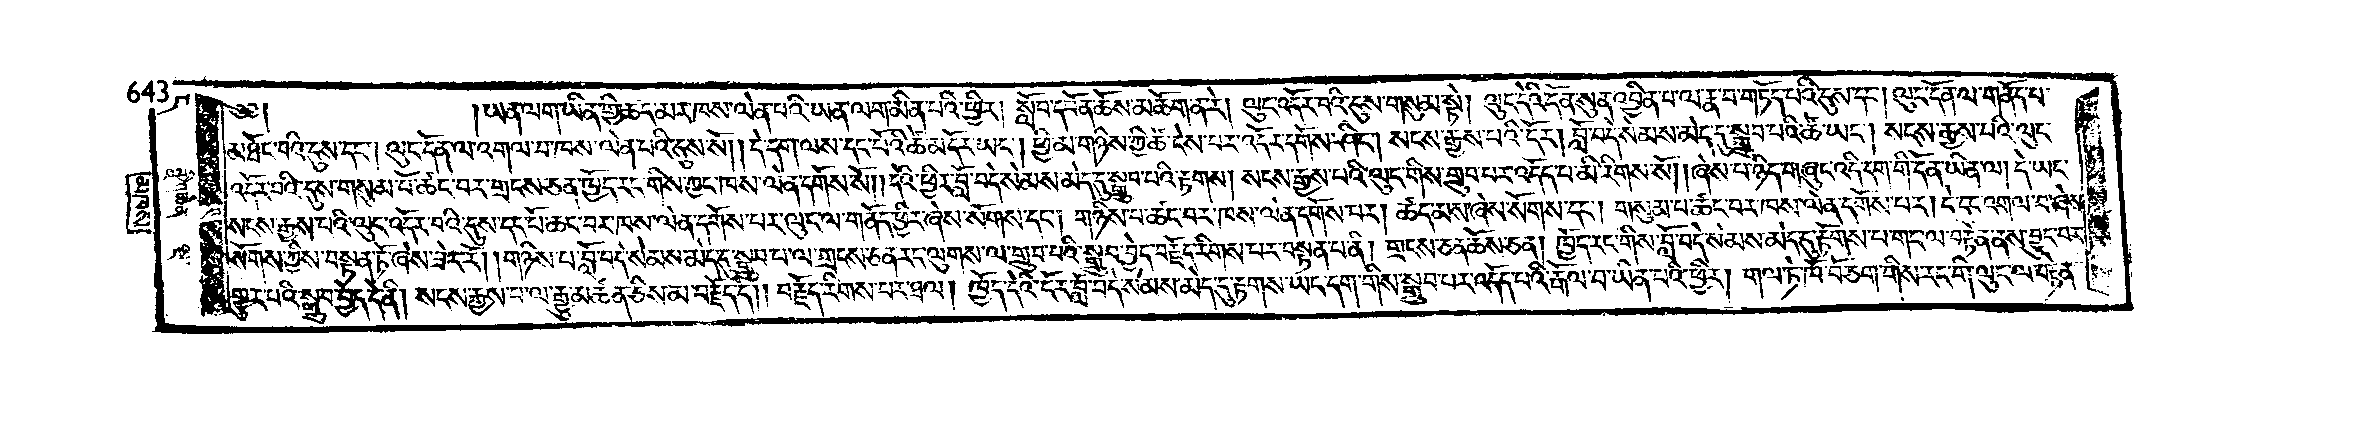༄༅། །ཡན་ལག་ཡིན་གྱི་ཚད་མར་ཁས་ལེན་པའི་ཡན་ལག་མིན་པའི་ཕྱིར། སློབ་དཔོན་ཆོས་མཆོག་ན་རེ། ལུང་འདོར་བའི་དུས་གསུམ་སྟེ། ལུང་དེའི་དོན་སུན་འབྱིན་པ་ལ་རྣ་བ་གཏོད་པའི་དུས་དང་། ལུང་དོན་ལ་གནོད་པ་
མཐོང་བའི་དུས་དང་། ལུང་དོན་ལ་འགལ་བ་ཁས་ལེན་པའི་དུས་སོ། །དེ་དག་ལས་དང་པོའི་ཚེ་མདོར་ཡང་། ཕྱི་མ་གཉིས་ཀྱི་ཚེ་ངེས་པར་འདོར་དགོས་ཤིང་། སངས་རྒྱས་པའི་ངོར། བློ་བདེ་སེམས་མེད་དུ་སྒྲུབ་པའི་ཚེ་ཡང་། སངས་རྒྱས་པའི་ལུང་
འདོར་བའི་དུས་གསུམ་པོ་ཚང་བར་གྲངས་ཅན་ཁྱོད་རང་གིས་ཀྱང་ཁས་ལེན་དགོས་སོ། །དེའི་ཕྱིར་བློ་བདེ་སེམས་མེད་དུ་སྒྲུབ་པའི་རྟགས། སངས་རྒྱས་པའི་ལུང་གི་སྒྲུབ་པར་འདོད་པ་མི་རིགས་སོ། །ཞེས་པ་ཉིད་གཞུང་འདི་དག་གི་དོན་ཡིན་ལ། དེ་ཡང་
སངས་རྒྱས་པའི་ལུང་འདོར་བའི་དུས་དང་པོ་ཚང་བར་ཁས་ལེན་དགོས་པར་ལུང་ལ་གནོད་ཕྱིར་ཞེས་སོགས་དང་། གཉིས་པ་ཚང་པར་ཁས་ལེན་དགོས་པར། ཚད་མས་ཞེས་སོགས་དང་། གསུམ་པ་ཚང་བར་ཁས་ལེན་དགོས་པར། དེ་དང་འགལ་བ་ཞེས་
སོགས་ཀྱིས་བསྟན་ཏོ་ཞེས་ཟེར་རོ། །གཉིས་པ་བློ་བདེ་སེམས་མེད་དུ་སྒྲུབ་པ་ལ་གྲངས་ཅན་རང་ལུགས་ལ་གྲུབ་པའི་སྒྲུབ་བྱེད་བརྗོད་རིགས་པར་བསྟན་པ་ནི། གྲངས་ཅན་ཆོས་ཅན། ཁྱོད་རང་གིས་བློ་བདེ་སེམས་མེད་དུ་རྟོགས་པ་གང་ལ་བརྟེན་ནས་བྱུང་བར་
གྱུར་བའི་སྒྲུབ་བྱེད་དེ་ནི། སངས་རྒྱས་པ་ལ་རྒྱུ་མཚན་ཅིས་མ་བརྗོད་དོ། །བརྗོད་རིགས་པར་ཐལ། ཁྱོད་དེའི་ངོར་བློ་བདེ་སེམས་མེད་དུ་རྟགས་ཡང་དག་གིས་སྒྲུབ་པར་འདོད་པའི་རྒོལ་བ་ཡིན་པའི་ཕྱིར། གལ་ཏེ་ཁོ་བོ་ཅག་གིས་རང་གི་ལུང་ལ་བརྟེན་